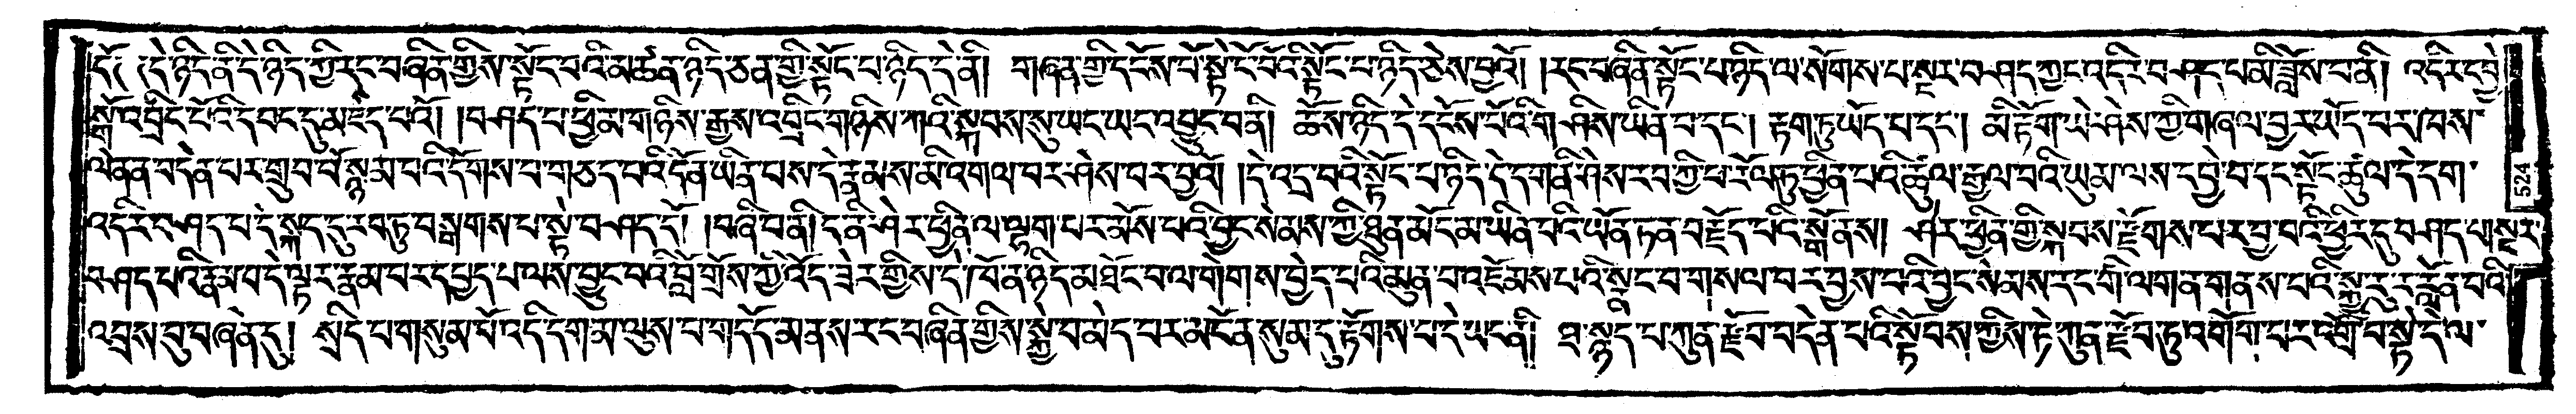དོ༑ ༑དེ་ཉིད་ནི་དེ་ཉིད་ཀྱི་རང་བཞིན་གྱིས་སྟོང་པའི་མཚན་ཉིད་ཅན་གྱི་སྟོང་པ་ཉིད་དེ་ནི། གཞན་གྱི་དངོས་པོ་སྟེ་ངོ་བོའི་སྟོང་པ་ཉིད་ཅེས་བྱའོ། །རང་བཞིན་སྟོང་པ་ཉིད་ལ་སོགས་པ་སྔར་བཤད་ཀྱང་འདིར་བཤད་པ་མི་ཟློས་པ་ནི། འདིར་དབྱེ་
སྒོ་འབྲིང་པོའི་དབང་དུ་མཛད་པའོ། །བཤད་པ་ཕྱི་མ་གཉིས་རྒྱས་འབྲིང་གཉིས་ཀའི་སྐབས་སུ་ཡང་ཡང་འབྱུང་བ་ནི། ཆོས་ཉིད་དེ་དངོས་པོའི་གཤིས་ཡིན་པ་དང་། རྟག་ཏུ་ཡོད་པ་དང་། མི་རྟོག་ཡེ་ཤེས་ཀྱི་གཞལ་བྱར་ཡོད་པར་ཁས་
ལེན་ན་བདེན་པར་གྲུབ་བོ་སྙམ་པའི་དོགས་པ་གཅད་པའི་དོན་ཡིན་པས་དེ་རྣམས་མི་འགལ་བར་ཤེས་པར་བྱའོ། །དེ་འདྲ་བའི་སྟོང་པ་ཉིད་དེ་དག་ནི་ཤེས་རབ་ཀྱི་ཕ་རོལ་ཏུ་ཕྱིན་པའི་ཚུལ་རྒྱལ་བའི་ཡུམ་ལས་དབྱེ་བ་དང་སྟོང་ཚུལ་དེ་དག་
འདིར་བཤད་པ་དེ་སྐད་དུ་རབ་ཏུ་བསྒྲགས་པ་སྟེ་བཤད་དོ། །བཞི་པ་ནི། ད་ནི་ཤེར་ཕྱིན་ལ་ལྷག་པར་མོས་པའི་བྱང་སེམས་ཀྱི་ཐུན་མོང་མ་ཡིན་པའི་ཡོན་ཏན་བརྗོད་པའི་སྒོ་ནས། ཤེར་ཕྱིན་གྱི་སྐབས་རྫོགས་པར་བྱ་བའི་ཕྱིར་དུ་བཤད་པ། སྔར་
བཤད་པའི་རྣམ་པ་དེ་ལྟར་རྣམ་པར་དཔྱད་པ་ལས་བྱུང་བའི་བློ་གྲོས་ཀྱི་འོད་ཟེར་གྱིས་དེ་ཁོ་ན་ཉིད་མཐོང་བ་ལ་གེགས་བྱེད་པའི་མུན་པ་འཇོམས་པའི་སྣང་བ་གསལ་བར་བྱས་པའི་བྱང་སེམས་རང་གི་ལག་ན་གནས་པའི་སྐྱུ་རུ་ར་རློན་པའི་
འབྲས་བུ་བཞིན་དུ། སྲིད་པ་གསུམ་པོ་འདི་དག་མ་ལུས་པ་གདོད་མ་ནས་རང་བཞིན་གྱིས་སྐྱེ་བ་མེད་པར་མངོན་སུམ་དུ་རྟོགས་པ་དེ་ཡང་ནི། ཐ་སྙད་པ་ཀུན་རྫོབ་བདེན་པའི་སྟོབས་ཀྱིས་ཏེ་ཀུན་རྫོབ་ཏུ་འགོག་པར་འགྲོ་བ་སྟེ་དེ་ལ་